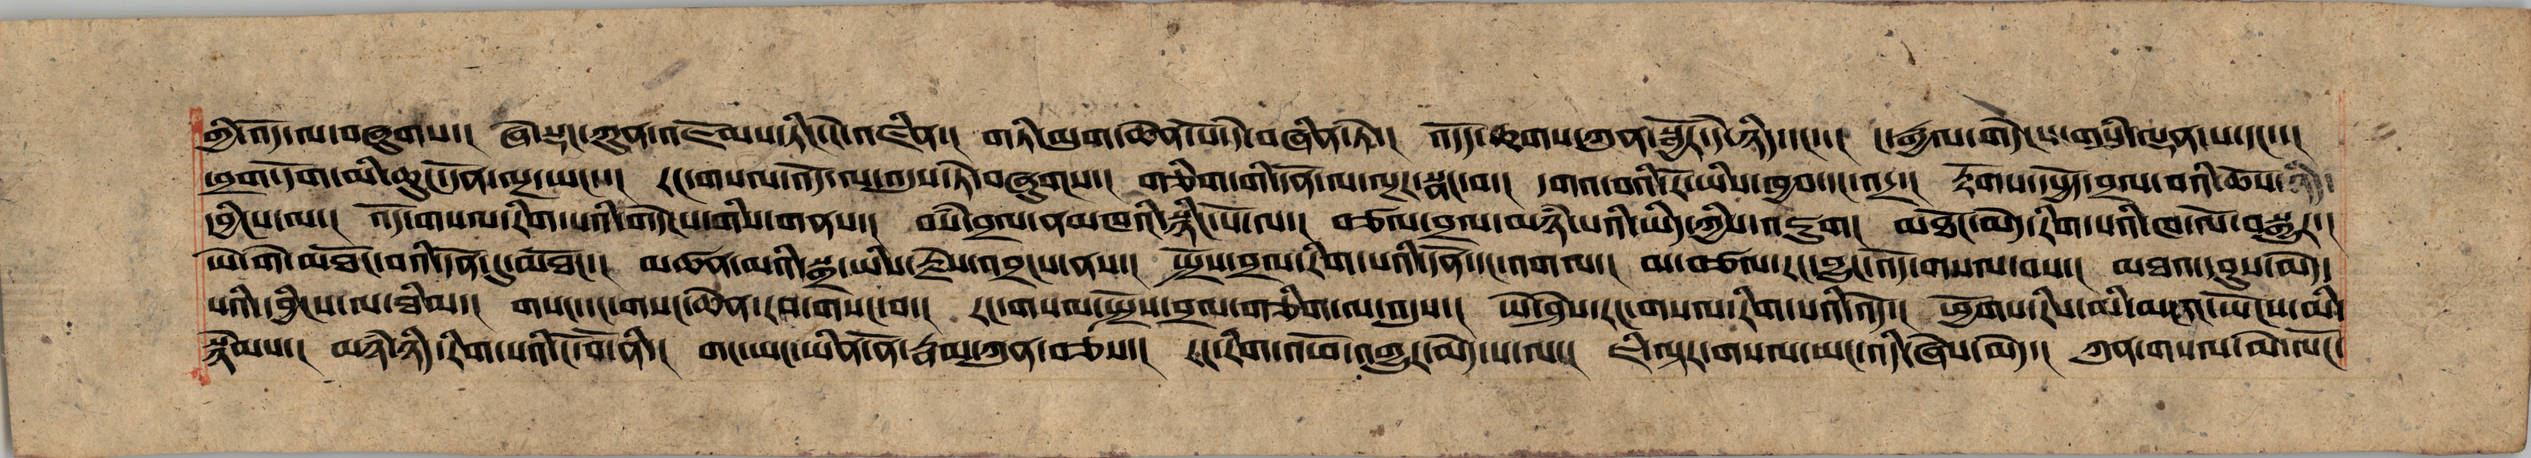གྱི་འོད་ལ་བཞུགས་། ཞེ་སྡང་ཀུན་འཇོམས་ཏིང་ངེ་འཛིན་། གཏི་མུག་ཆེན་པོ་དེ་བཞིན་ཏེ་། འདོད་ཆགས་ཀུན་སྦྱོར་དེ་ཉིད་དང་་། ང་རྒྱལ་གདེངས་གསུཾ་ལྡན་པ་དང་་།
ཕྲག་དོག་མི་ཆུང་དོན་ལྔ་ཡངས་། རང་གསལ་འོད་ལ་བདུས་ཏེ་བཞུགས་། གཅིག་གི་དོན་ལ་ལྔར་སྣང་བ་། དགའ་བའི་རོ་ཡིས་ཁྱབ་དང་འདྲ་། རྟོག་དཔྱོད་བྲལ་བའི་ཆོས་ཉིད་
དབྱིངས་ལ་། འདོ་གསལ་རིག་པའི་གདེངས་གིས་གནས་། བསཾ་བྲལ་ནམཁའི་སྙིང་པོ་ལ་། བཙལ་བྲལ་མཉཾ་པའི་ཡིད་ཀྱིས་འཇུག། མཐོང་མེད་རིག་པའི་ཁ་ལོ་བསྒྱུར་།
ཡེ་གེ་མཐོང་བའི་དོན་དུ་མཐོང་་། མཚན་མའི་སྒྲ་ཡིས་རྗེས་འབྲངས་ནས་། སྤྲོས་བྲལ་རིག་པའི་དོན་དང་འགལ་། མ་བཙལ་རང་བྱུང་འོད་གསལ་བས་། མཐའ་དབུས་མེད་
པའི་དབྱིངས་ལ་ཐིམ་། གསང་དང་གསང་ཆེན་རབ་གསང་བ་། རང་གསལ་སྤྲོས་བྲལ་གཅིག་ལ་འདུས་། ཡེ་ཤེས་རང་གསལ་རིག་པའི་འོད་། ཕྱོགས་རིས་མི་མངའ་ཡོངས་མི་
སྙེམས་། མཉཾ་ཉིད་རིག་པའི་ངོ་བོ་ནི་། གང་ཡང་ཡིན་ནོ་རྣམ་ཀུན་བཅས་། རང་རིག་འཕོ་འགྱུར་མེད་པ་ལ་། ཇི་ལྟར་གསལ་ཡང་འདི་ཞེས་མེད་། ཀུན་གསལ་མེ་ལོང་